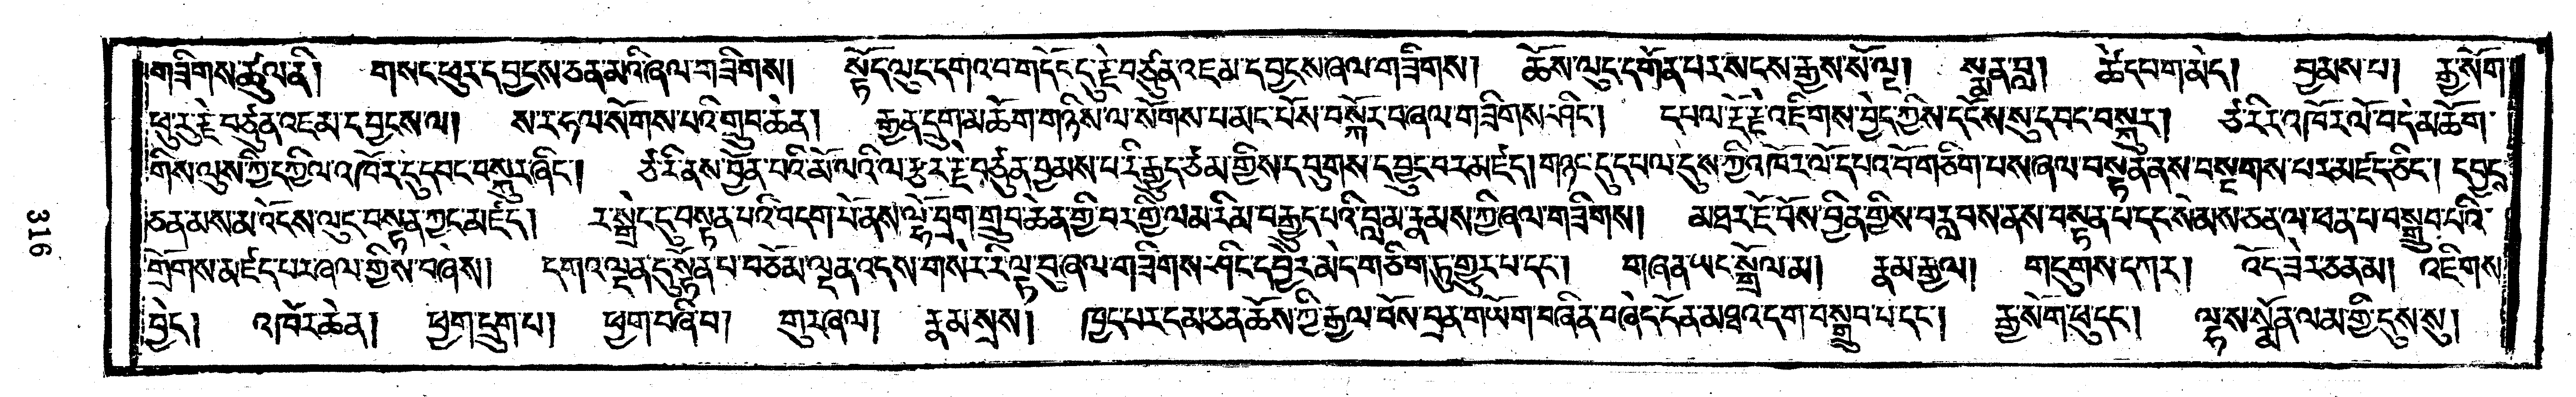གཟིགས་ཚུལ་ནི། གསང་ཕུར་དབྱངས་ཅན་མའི་ཞལ་གཟིགས། སྟོད་ལུང་དགའ་བ་གདོང་དུ་རྗེ་བཙུན་འཇམ་དབྱངས་ཞལ་གཟིགས། ཆོས་ལུང་དགོན་པར་སངས་རྒྱས་སོ་ལྔ། སྨན་བླ། ཚེ་དཔག་མེད། བྱམས་པ། རྒྱ་སོག་
ཕུ་རུ་རྗེ་བཙུན་འཇམ་དབྱངས་ལ། ས་ར་ཧ་ལ་སོགས་པའི་གྲུབ་ཆེན། རྒྱན་དྲུག་མཆོག་གཉིས་ལ་སོགས་པ་མང་པོས་བསྐོར་བ་ཞལ་གཟིགས་ཤིང་། དཔལ་རྡོ་རྗེ་འཇིགས་བྱེད་ཀྱིས་དངོས་སུ་དབང་བསྐུར། ཙ་རིར་འཁོར་ལོ་བདེ་མཆོག་
གིས་ལུས་ཀྱི་དཀྱིལ་འཁོར་དུ་དབང་བསྐུར་ཞིང་། ཙ་རི་ནས་བྱོན་པའི་མོ་ལའི་ལ་རྩར་རྗེ་བཙུན་བྱམས་པ་རི་རྒྱུད་ཙམ་གྱིས་དབུགས་དབྱུང་བར་མཛད། གཉུང་དུ་དཔལ་དུས་ཀྱི་འཁོར་ལོ་དཔའ་བོ་གཅིག་པས་ཞལ་བསྟན་ནས་བསྔགས་པར་མཛད་ཅིང་། དབྱངས་
ཅན་མས་མ་འོངས་ལུང་བསྟན་ཀྱང་མཛད། ར་སྒྲེང་དུ་བསྟན་པའི་བདག་པོ་ནས་ལྷོ་བྲག་གྲུབ་ཆེན་གྱི་བར་གྱི་ལམ་རིམ་བརྒྱུད་པའི་བླ་མ་རྣམས་ཀྱི་ཞལ་གཟིགས། མཐར་ཇོ་བོས་བྱིན་གྱིས་བརླབས་ནས་བསྟན་པ་དང་སེམས་ཅན་ལ་ཕན་པ་བསྒྲུབ་པའི་
གྲོགས་མཛད་པར་ཞལ་གྱིས་བཞེས། དགའ་ལྡན་དུ་སྟོན་པ་བཅོམ་ལྡན་འདས་གསེར་རི་ལྟ་བུ་ཞལ་གཟིགས་ཤིང་དབྱེར་མེད་གཅིག་ཏུ་གྱུར་པ་དང་། གཞན་ཡང་སྒྲོལ་མ། རྣམ་རྒྱལ། གདུགས་དཀར། འོད་ཟེར་ཅན་མ། འཇིགས་
བྱེད། འཁོར་ཆེན། ཕྱག་དྲུག་པ། ཕྱག་བཞི་བ། གུར་ཞལ། རྣམ་སྲས། ཁྱད་པར་དམ་ཅན་ཆོས་ཀྱི་རྒྱལ་པོས་བྲན་གཡོག་བཞིན་བཞེད་དོན་མཐའ་དག་བསྒྲུབ་པ་དང་། རྒྱ་སོག་ཕུ་དང་། ལྷ་ས་སྨོན་ལམ་གྱི་དུས་སུ།